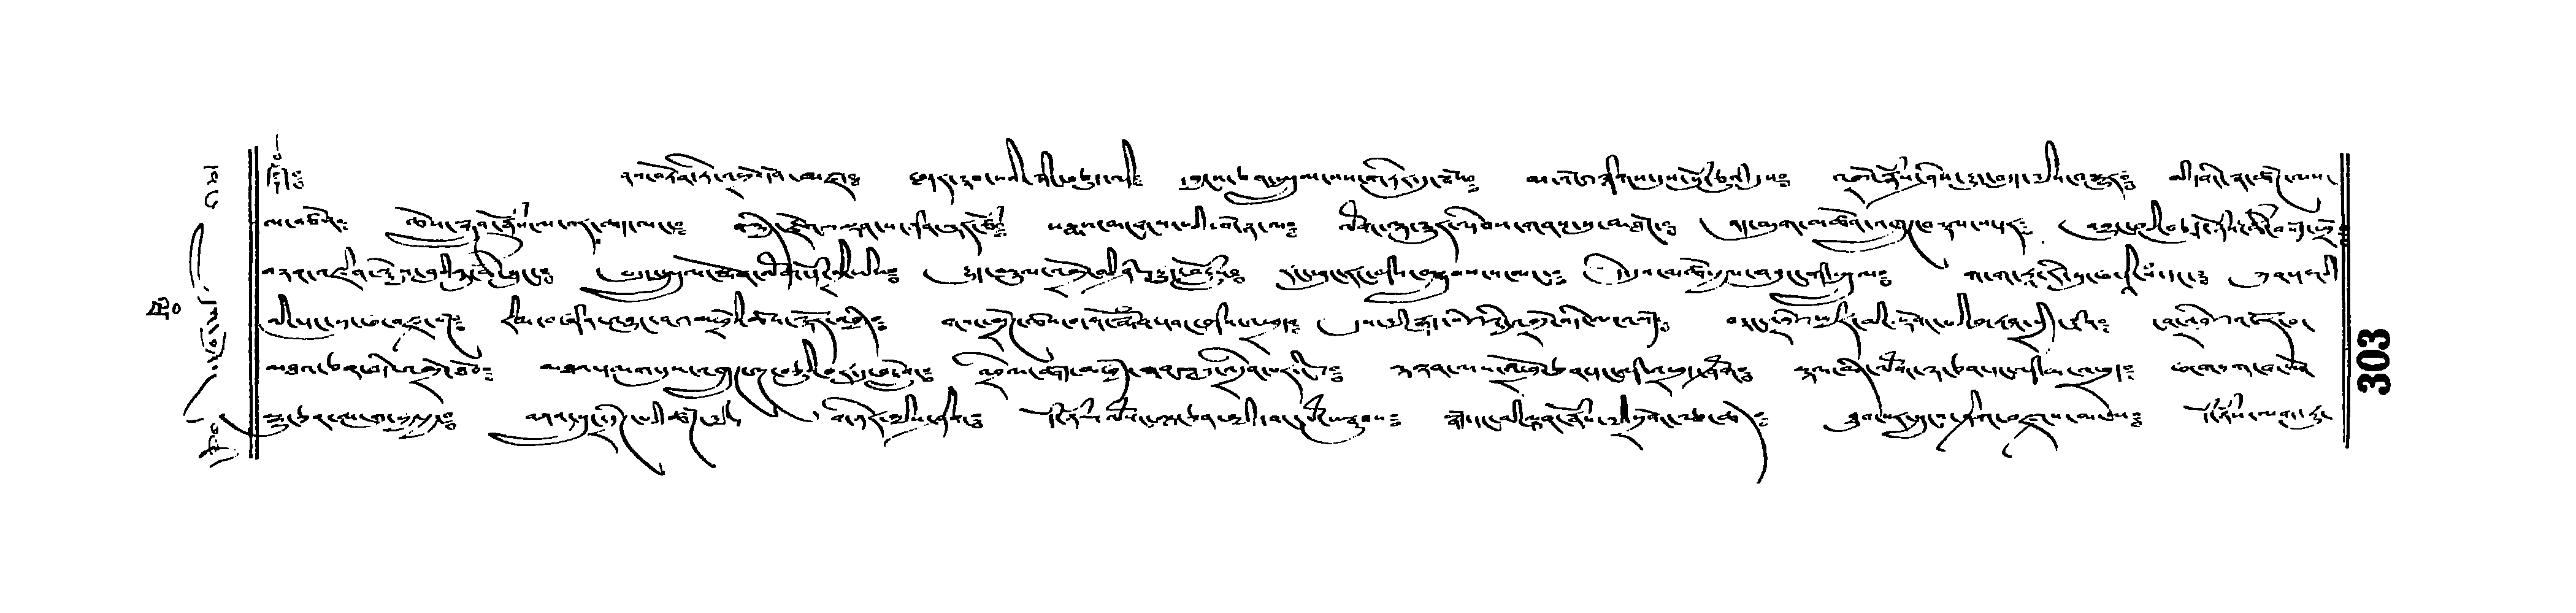ནས་བཏོན་ཏེ་འགྲོ་དོན་མཛོད༔ ཁྱད་པར་ཟབ་པའི་སྙིང་བཅུད་འདི༔ དབྱངས་ཅན་སྤྲུལ་པས་གཏེར་དུ་སྦོས༔ མ་འོངས་སྙིགས་དུས་སུམ་ཅུའི་དུས༔ འགྲོ་རྣམས་ཤེས་རྒྱུད་བདུད་ཀྱིས་བསྒྱུར༔ མི་དགེ་སྣ་ཚོགས་ལས་
ལ་བཙོན༔ ཆོས་སྒྲུབ་རྣམས་ལ་བར་ཆད་མང༔ བསྐྱེད་རྫོགས་ལྡན་པ་ཉིན་སྐར་ཙམ༔ པདྨས་མངགས་པའི་ཕོ་ཉ་ལ༔ ལོག་ལྟ་སྐུར་འདེབས་གནས་སུ་མཐོང༔ ལྟ་མུག་མཚོན་འགྲུས་བསྐལ་པ་དར༔ འབྱུང་བའི་བཅུད་ཉམས་ཚེ་བསོད་ཕྲོ༔ 
བསྟན་འཛིན་སྐྱེས་བུའི་སྐུ་ཚེ་ཐུང༔ བདུད་སྤྲུལ་སྨོན་ལོག་དམ་བྲི་ཡིས༔ རྒྱུད་བསྐུལ་འགྲོ་བའི་ཤེས་རྒྱུད་བརླམས༔ རང་ཕུང་རང་གིས་བསྒྲུབས་པ་མང༔ དེ་དུས་མཚོ་རྒྱལ་གསུང་གི་སྤྲུལ༔ ག་ག་ཏཱ་རེ་སུ་ཁ་ཌཱི་པཾ་དང༔ ཀུན་དགའི་
མིང་དང་སུ་ཁ་བཛྲ་སོགས༔ རིམ་བཞིན་འབྱུང་ནས་མཁའ་འགྲོའི་ཆོས་སྐོར་འབྱེད༔གསང་གྲོགས་ཆོས་བདག་སྨོན་ལམ་དབང་གིས་འཕྲད༔ དུས་ཀྱི་རྒུད་སེལ་སྐྱེ་འགྲོ་བདེ་ལ་འགོད༔ བཟང་འབྲེལ་ཕྱིར་མི་ལྡོག་པའི་གཏན་སྲིད་ཟིན༔ ངན་འབྲེལ་འཁོར་བ་
མཐའ་ཅན་བདེ་འགྲོ་ཐོབ༔ མཐའ་དམག་དུས་འཁྲུགས་ལྔ་བཅུའི་བར་དུ་བཟློག༔ འབྲེལ་ཚད་མཁའ་སྤྱོད་གནས་ས་འདྲེན་པར་ངེས༔ སྐལ་ལྡན་ལས་འཕྲོ་ཅན་དང་འདི་འཕྲད་ཤོག༔ སྐལ་མེད་ལོག་ལྟ་ཅན་དང་འདི་མ་འཕྲད༔ ཁ་གསག་གཡོ་
སྒྱུ་ཅན་ལ་གུ་ཧྱ་རྒྱ༔ བཀའ་སྲུང་དྲེགས་པའི་ཚོགས་ཀྱིས་གཉེར་གྱིས་ཤིག༔ དམ་ཉམས་ལོག་ལྟ་ཅན་གྱི་དབང་པོ་བསྣུབས༔ སྣོད་དང་མི་ལྡན་རྣམས་ཀྱི་སྲོག་རྩ་ཆོད༔ ཐུབ་པར་སྲུངས་ཤིག་བཛྲ་ས་མ་ཡ༔ དམ་ཉམས་ལག་ཏུ་